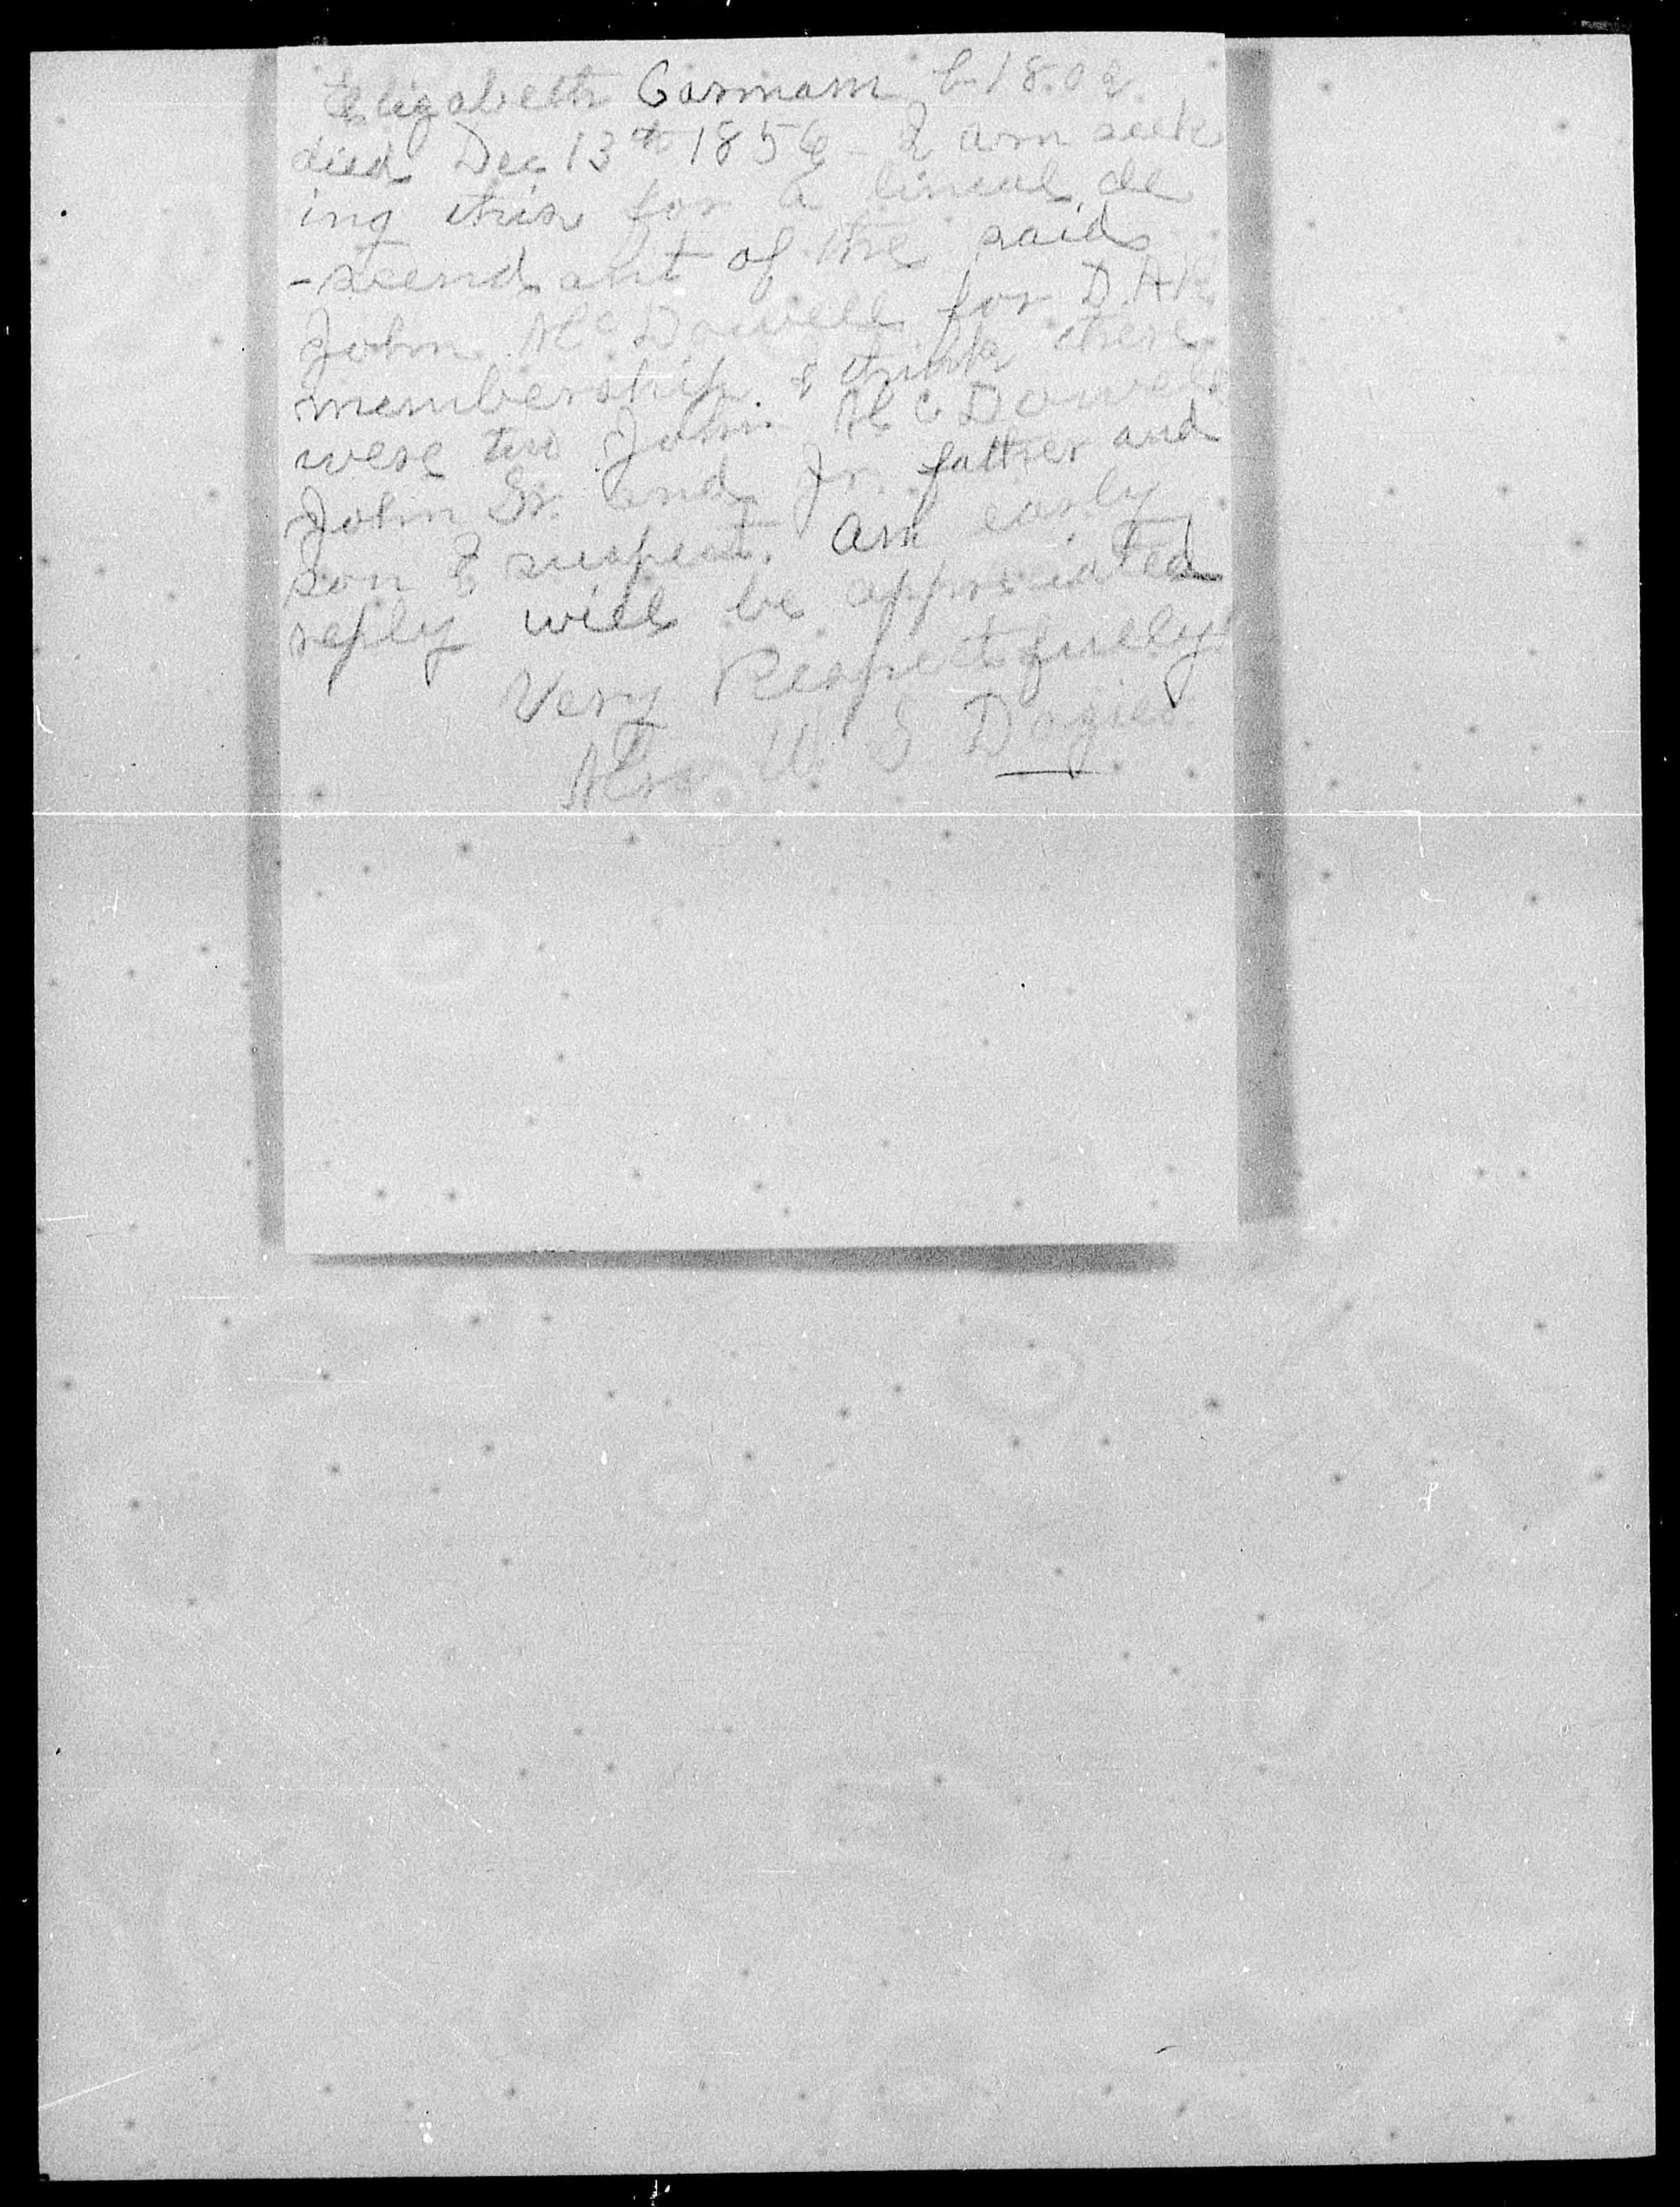Elizabeth Carman b 1802 died Dec 13th 1856 - I am seeking this for a lineal descendant of the said John McDowell for D.A.R. membership & think there were two John McDowells John Sr. and Jr. father and son I suspect. An early reply will be appreciated
Very Respectfully
Mrs W S Dozier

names: W D Dozier; Elizabeth Carman; John Mc Dowell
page: 39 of 47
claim: survivor's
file: S. 30578, for John Mc Dowell, Virginia